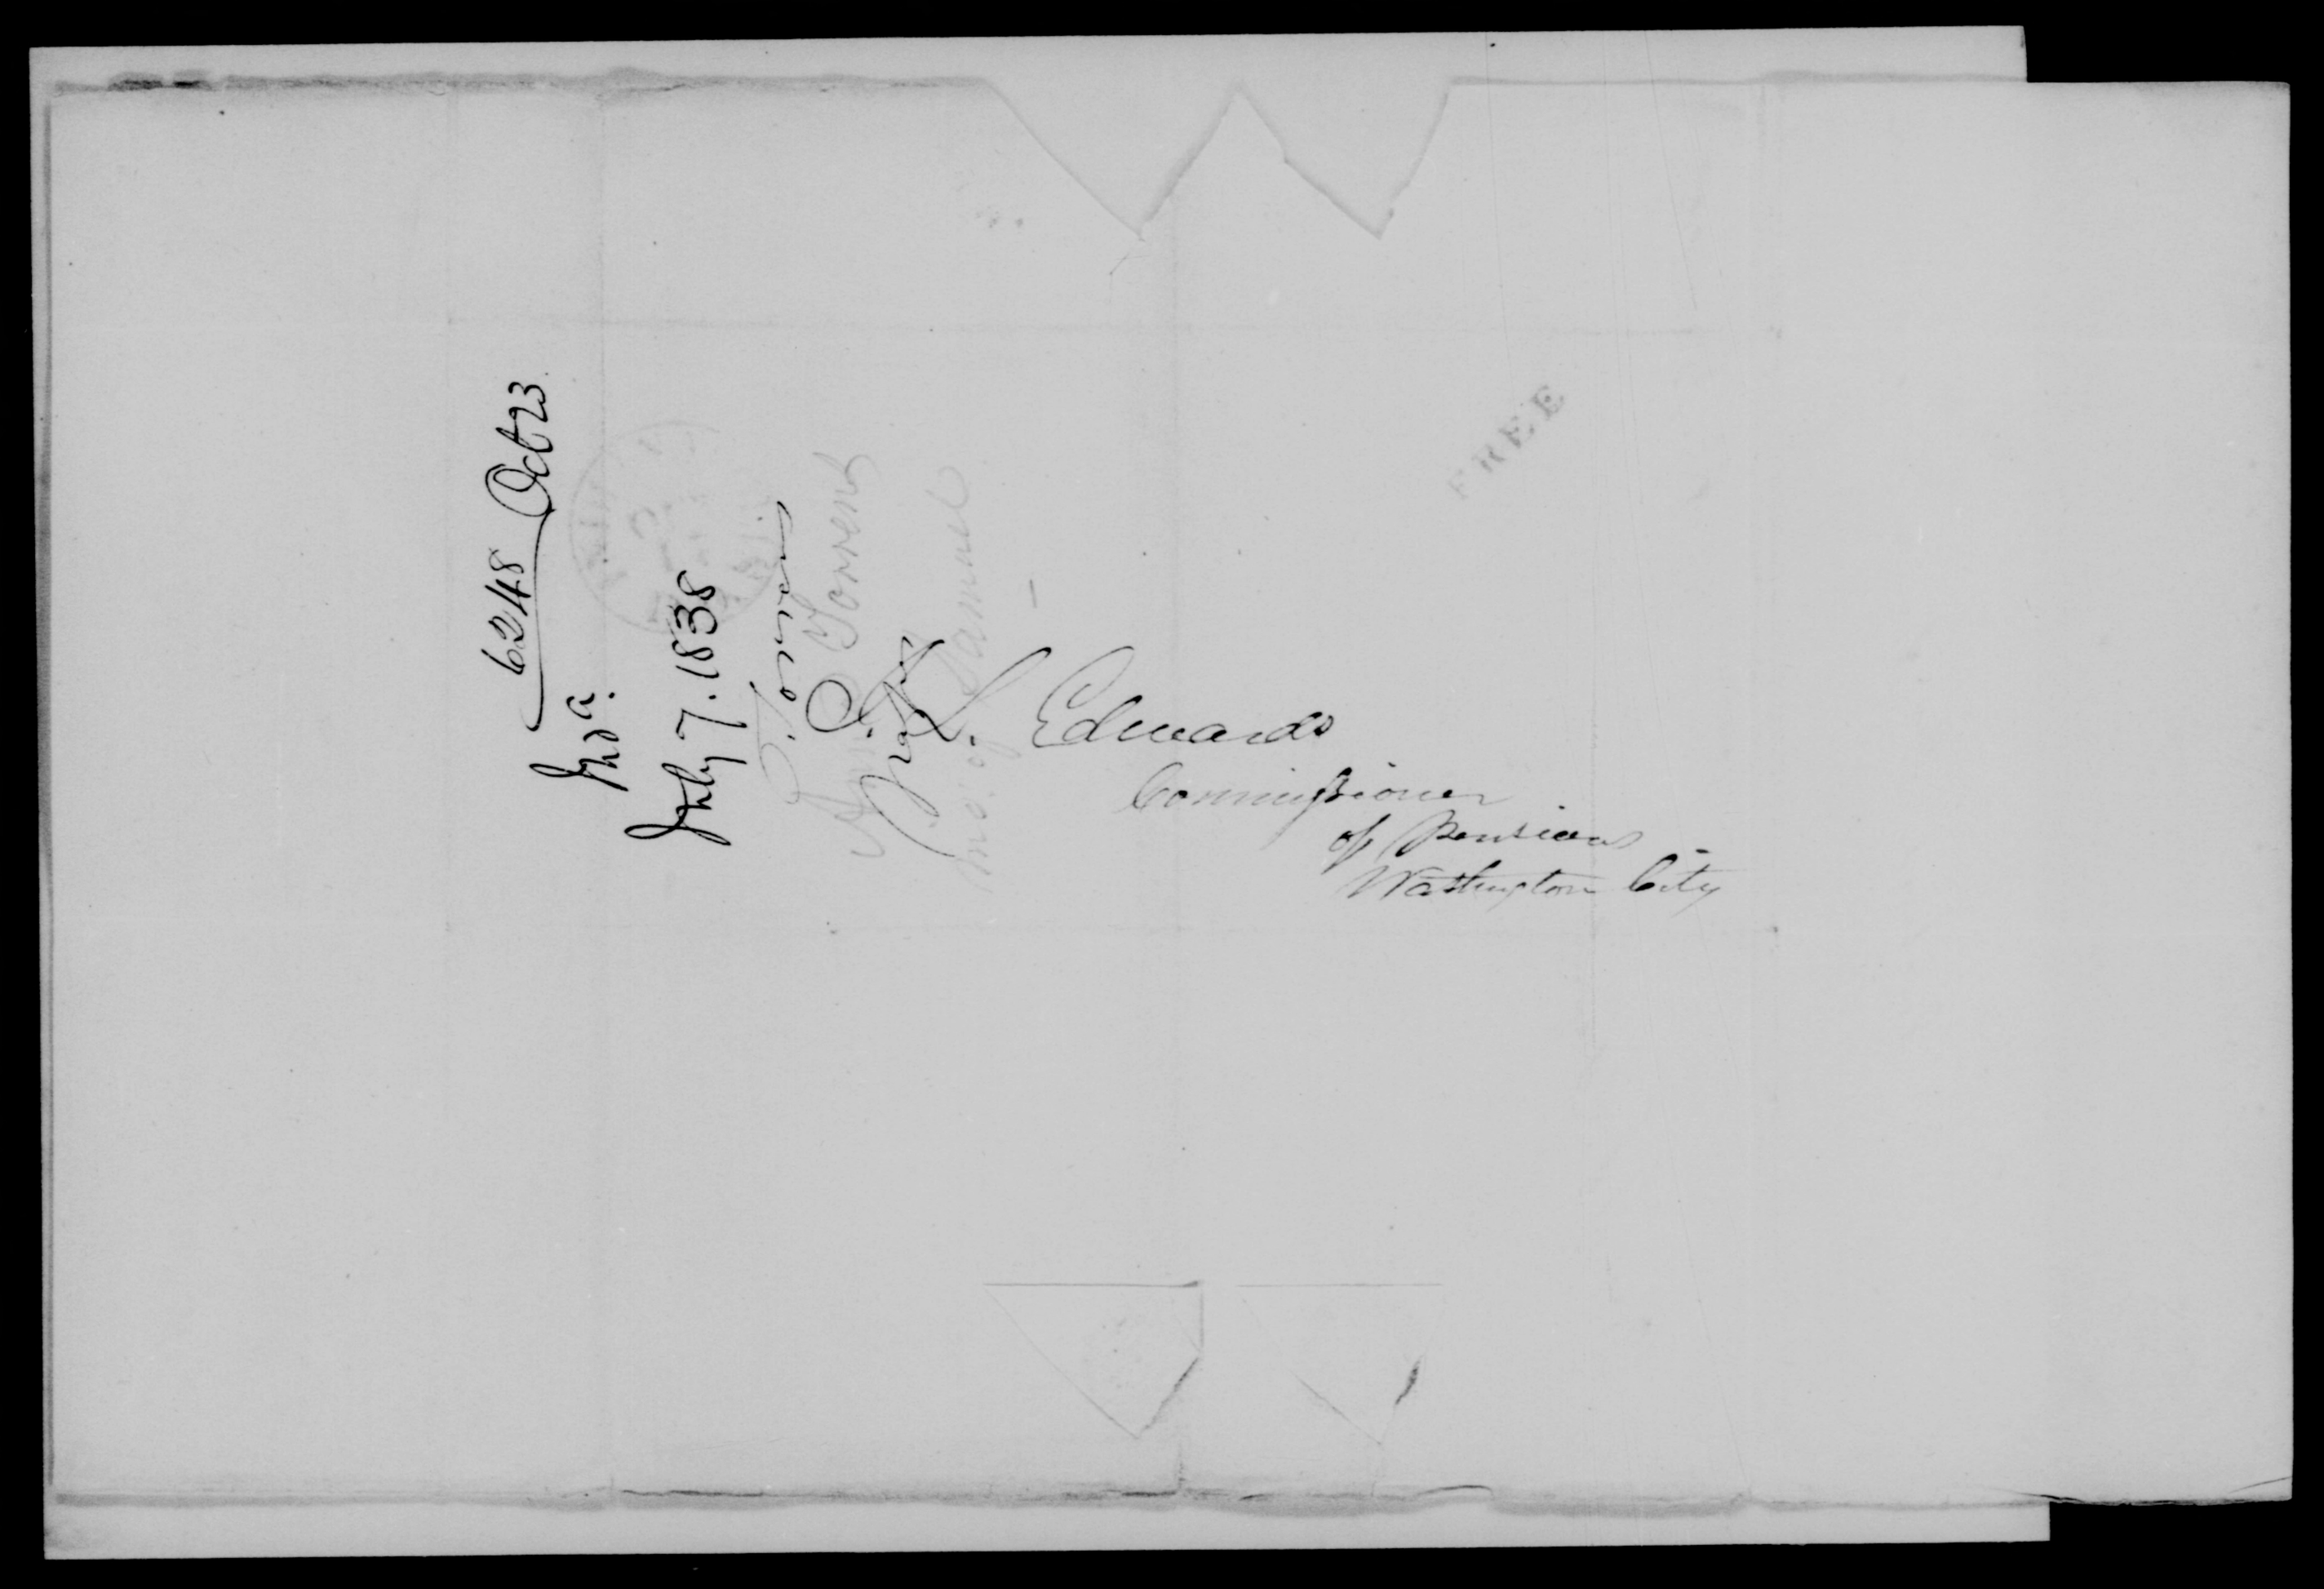FREE
J. L. Edwards
Commissioner
of Pensions
Washington City

6248 Oct 23
Inda.
July 7, 1838
Torren's
papers
Anna Torrens
wid. of Samuel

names: Samuel Torrens, Anna Torrens, J L Edwards, Torrens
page: 22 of 27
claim: widow's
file: W. 9860, Samuel Torrons, Va.